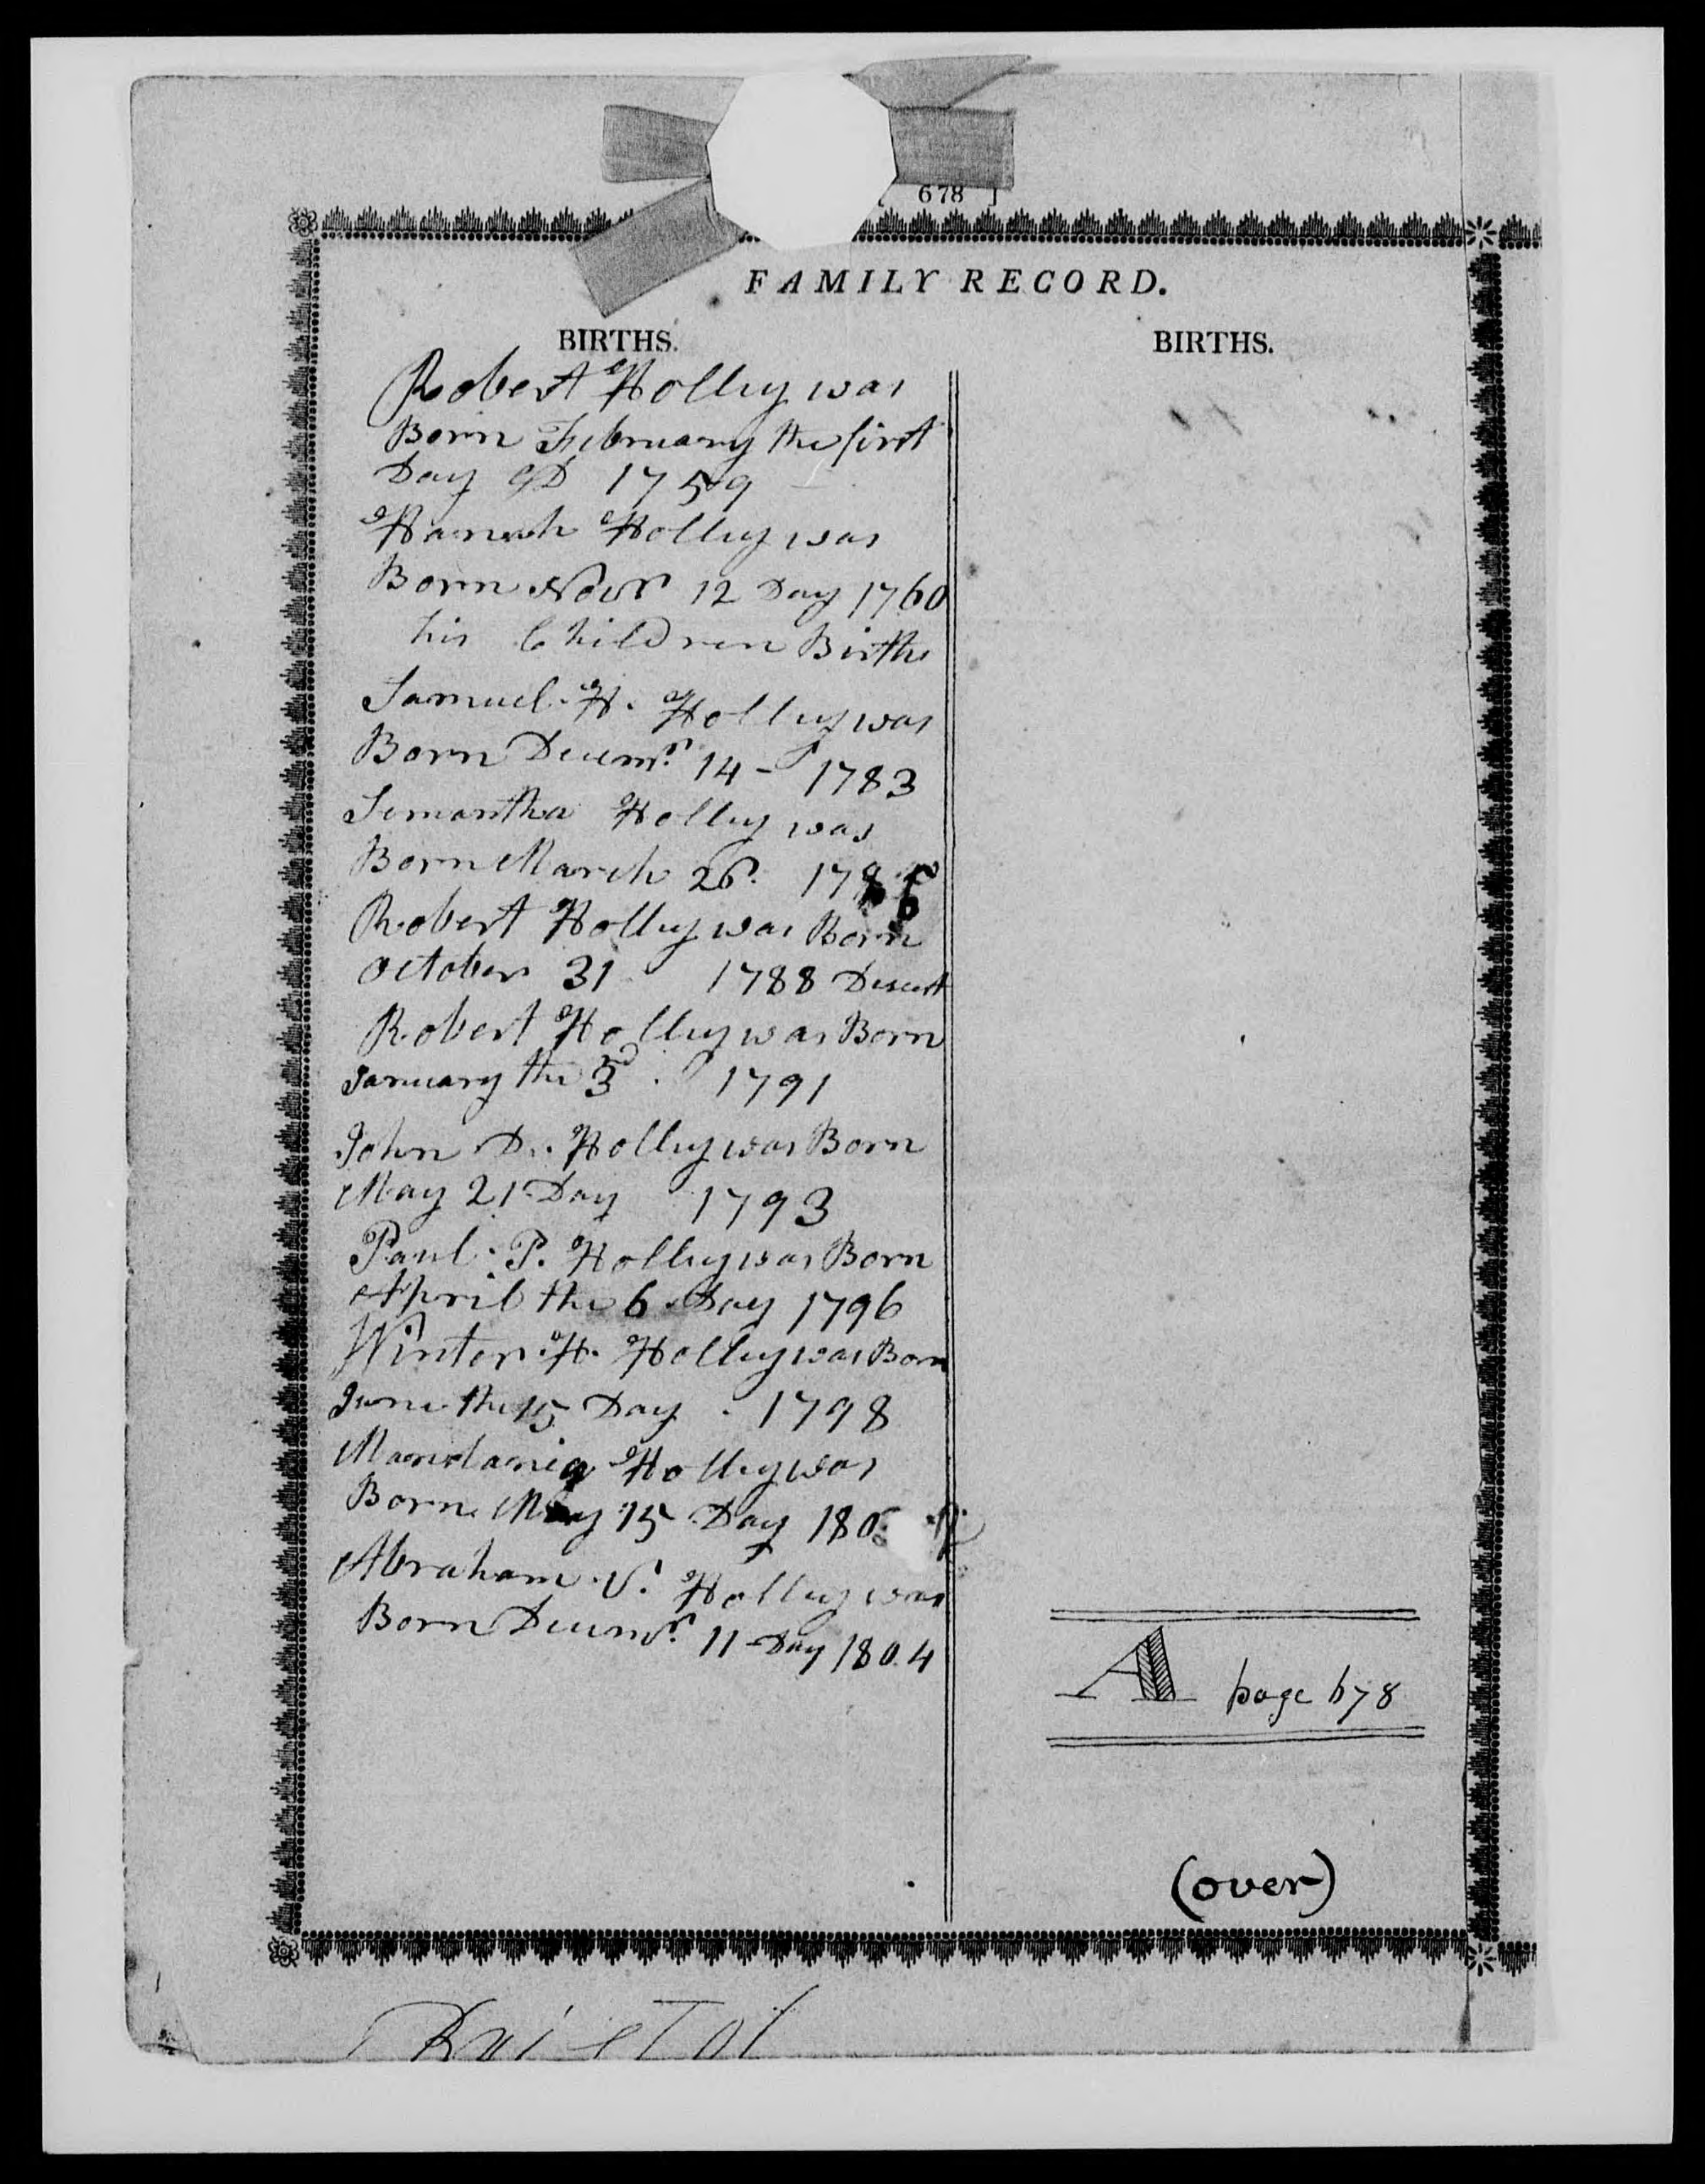Family record

(Column 1)
BIRTHS
Robert Holley was born February the first day AD 1759
Hannah Holley was born Nov 12 day 1760
his children births
Samuel H Holley was born December 14 1783
Samantha Holley was born March 26 1786
Robert Holley was born October 31 1788 desert
Robert Holley was born January the 3d 1791
John D Holley was born May 21 day 1793
Paul P Holley was born April the 6 day 1796
Winter H Holley was born June the 15 day 1798
Mandanie Holley was born May 15 day 1803
Abraham V Holley was born December 11 day 1804

(Column 2)
BIRTHS



A page 678
(over)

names: Winter H Holley, Abraham V Hollday, Semantha Holley, Robert Holley, Robert Holley, Mandanie Holley, Samuel H Holley, John D Holley, Robert Holley, Hannah Holley, Paul P Holley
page: 4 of 62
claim: widow's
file: W. 21391, Robert Holley, Conn.